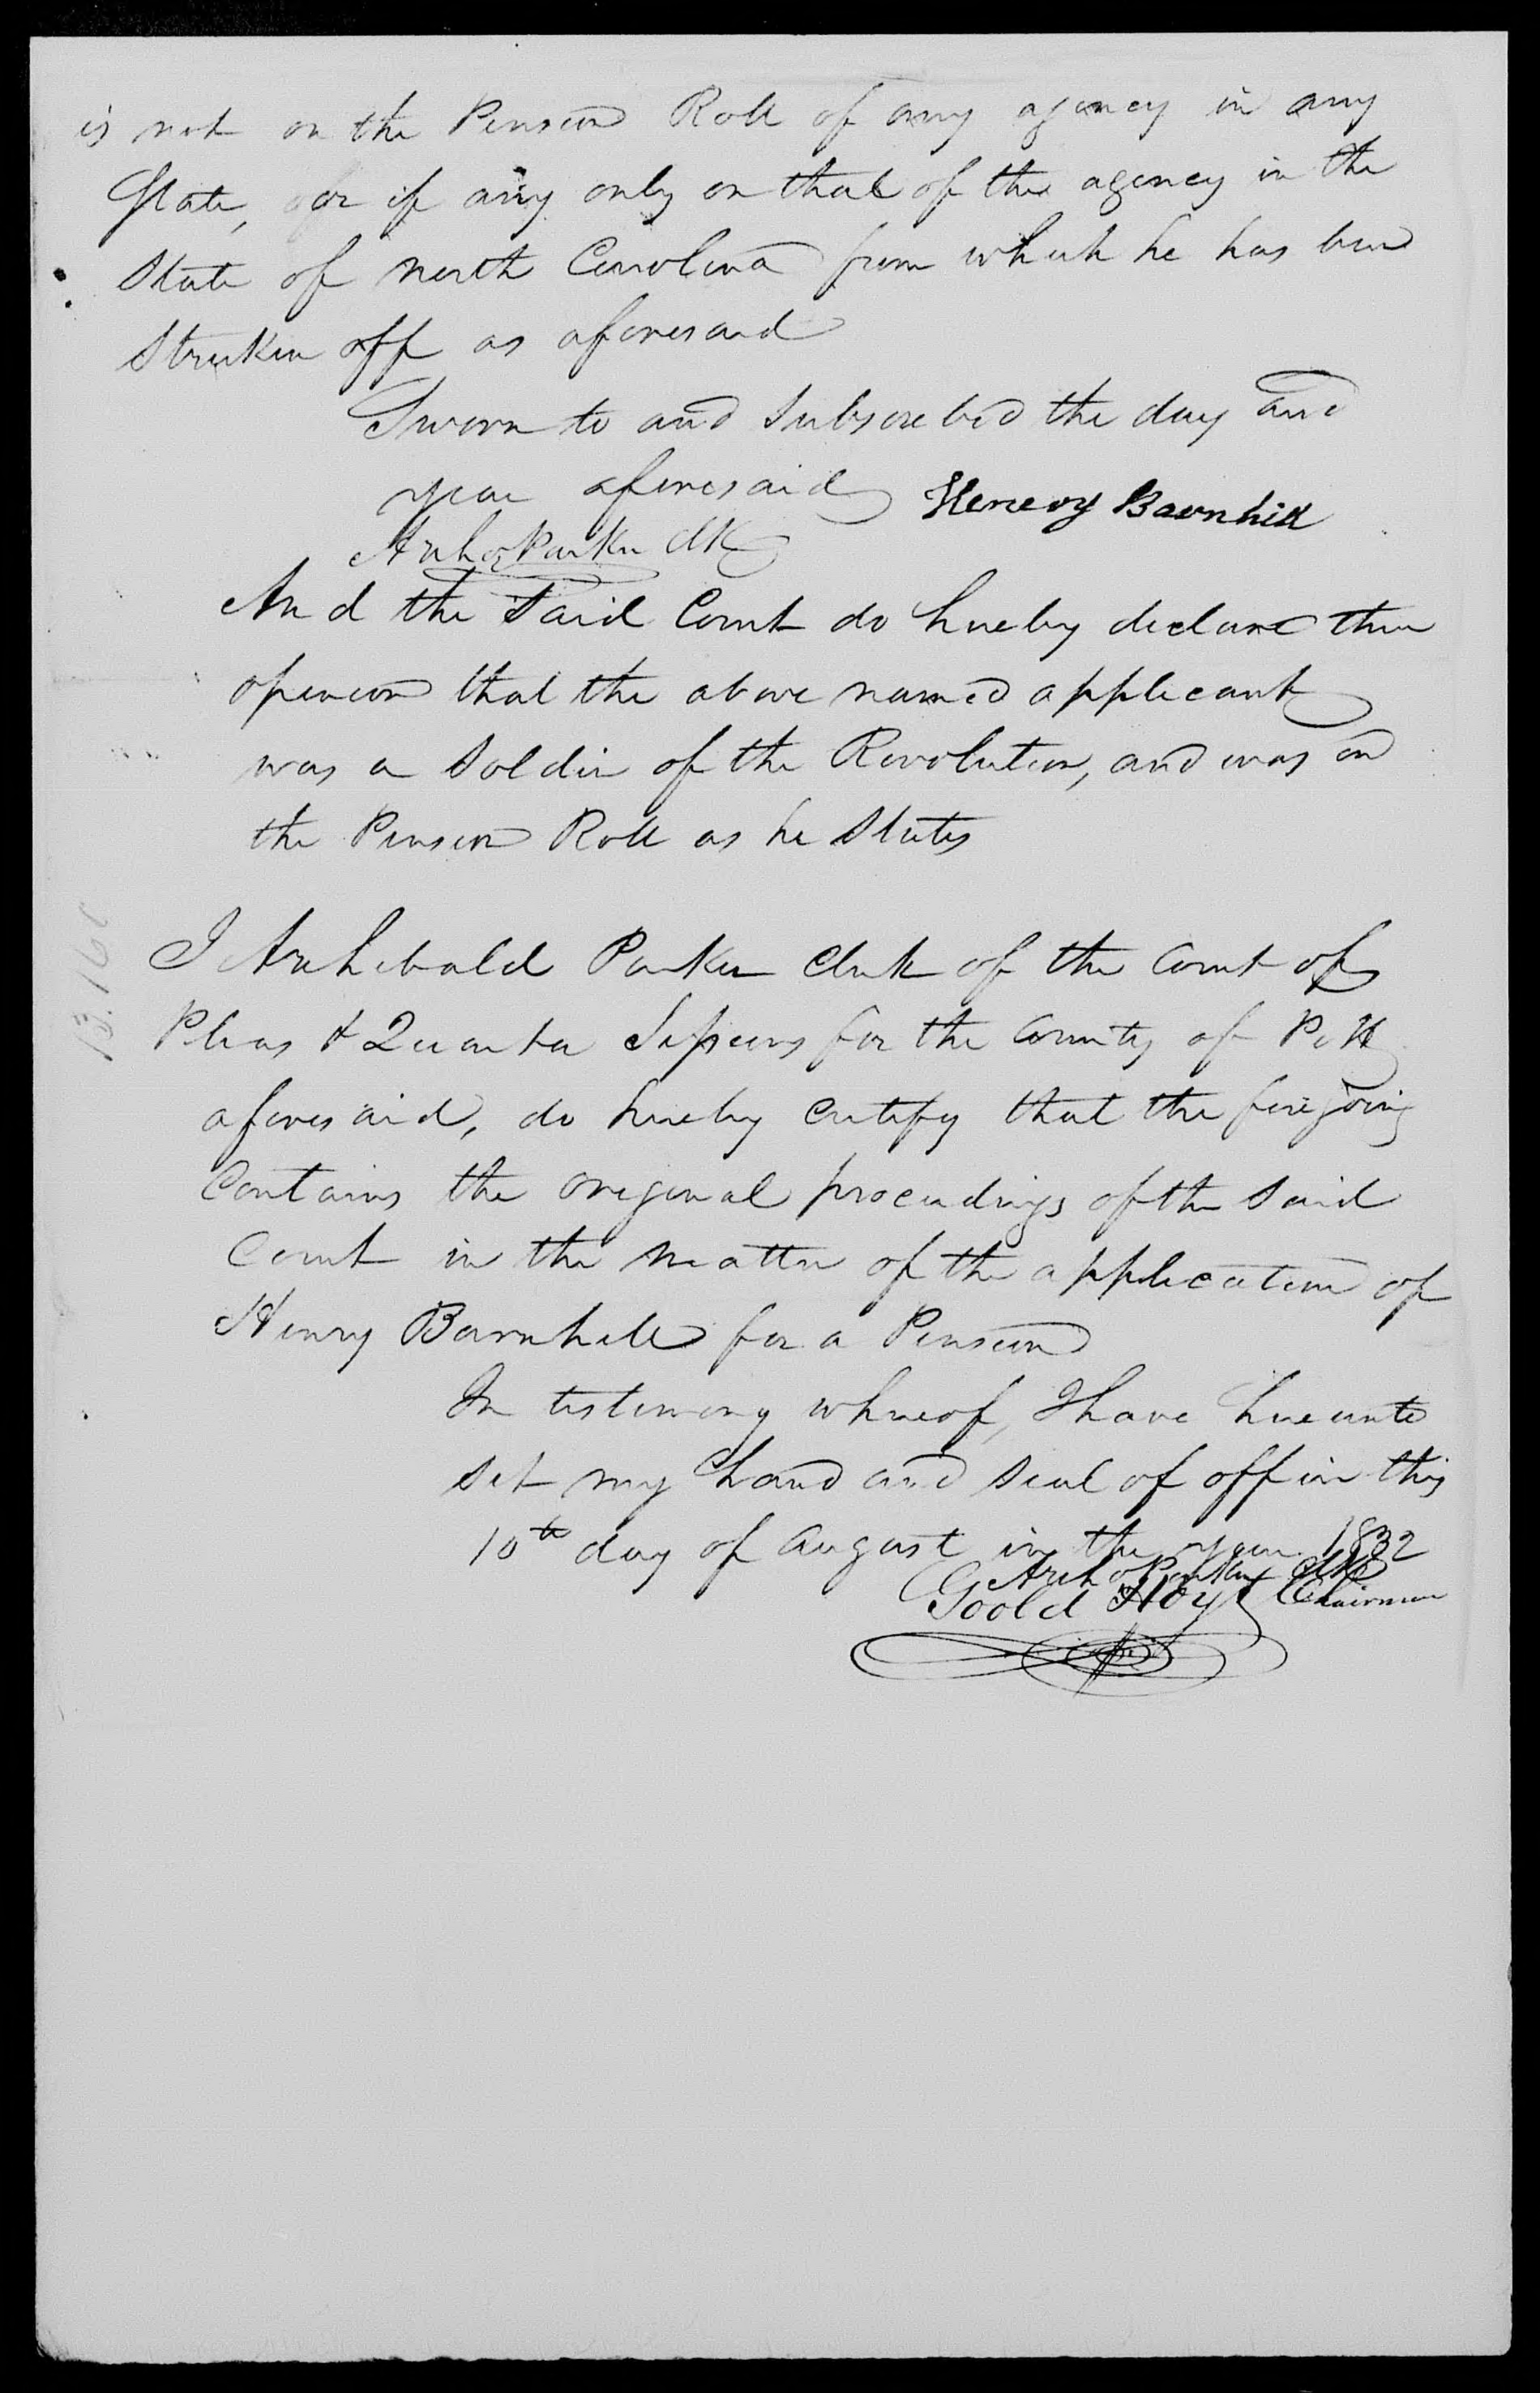is not on the Pension Roll of any agency in any State, or if any only on that of the agency in the state of North Carolina from what he has been Struken [sic] off as aforesaid

Sworn to and subscribed the day and year aforesaid 
S/Henry Barnhill
S/Arch Parker clk

And the said court do hereby declare their opinion that the above named applicant was a soldier of the Revolution, and was on the Pension Roll as he states

[noted in the margin: 13.160]
I Archibald Parker Clerk of the court of Pleas & Quarter Sessions for the county of Pitt aforesaid, do hereby certify that the foregoing contains the original proceedings of the said court in the matter of the application of Henry Barnhill for a Pension

In testimony whereof, I have hereunto set my hand and seal of office this 10th day of August in the year 1832
S/Arch Parker clk
S/Goold Hoyt Chairman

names: Goold Hoyt, Henry Barnhill, Henery Barnhill, Archo Parker, Archo Parker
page: 22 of 42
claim: survivor's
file: S. 6579, Henry Barnhill, N. C.